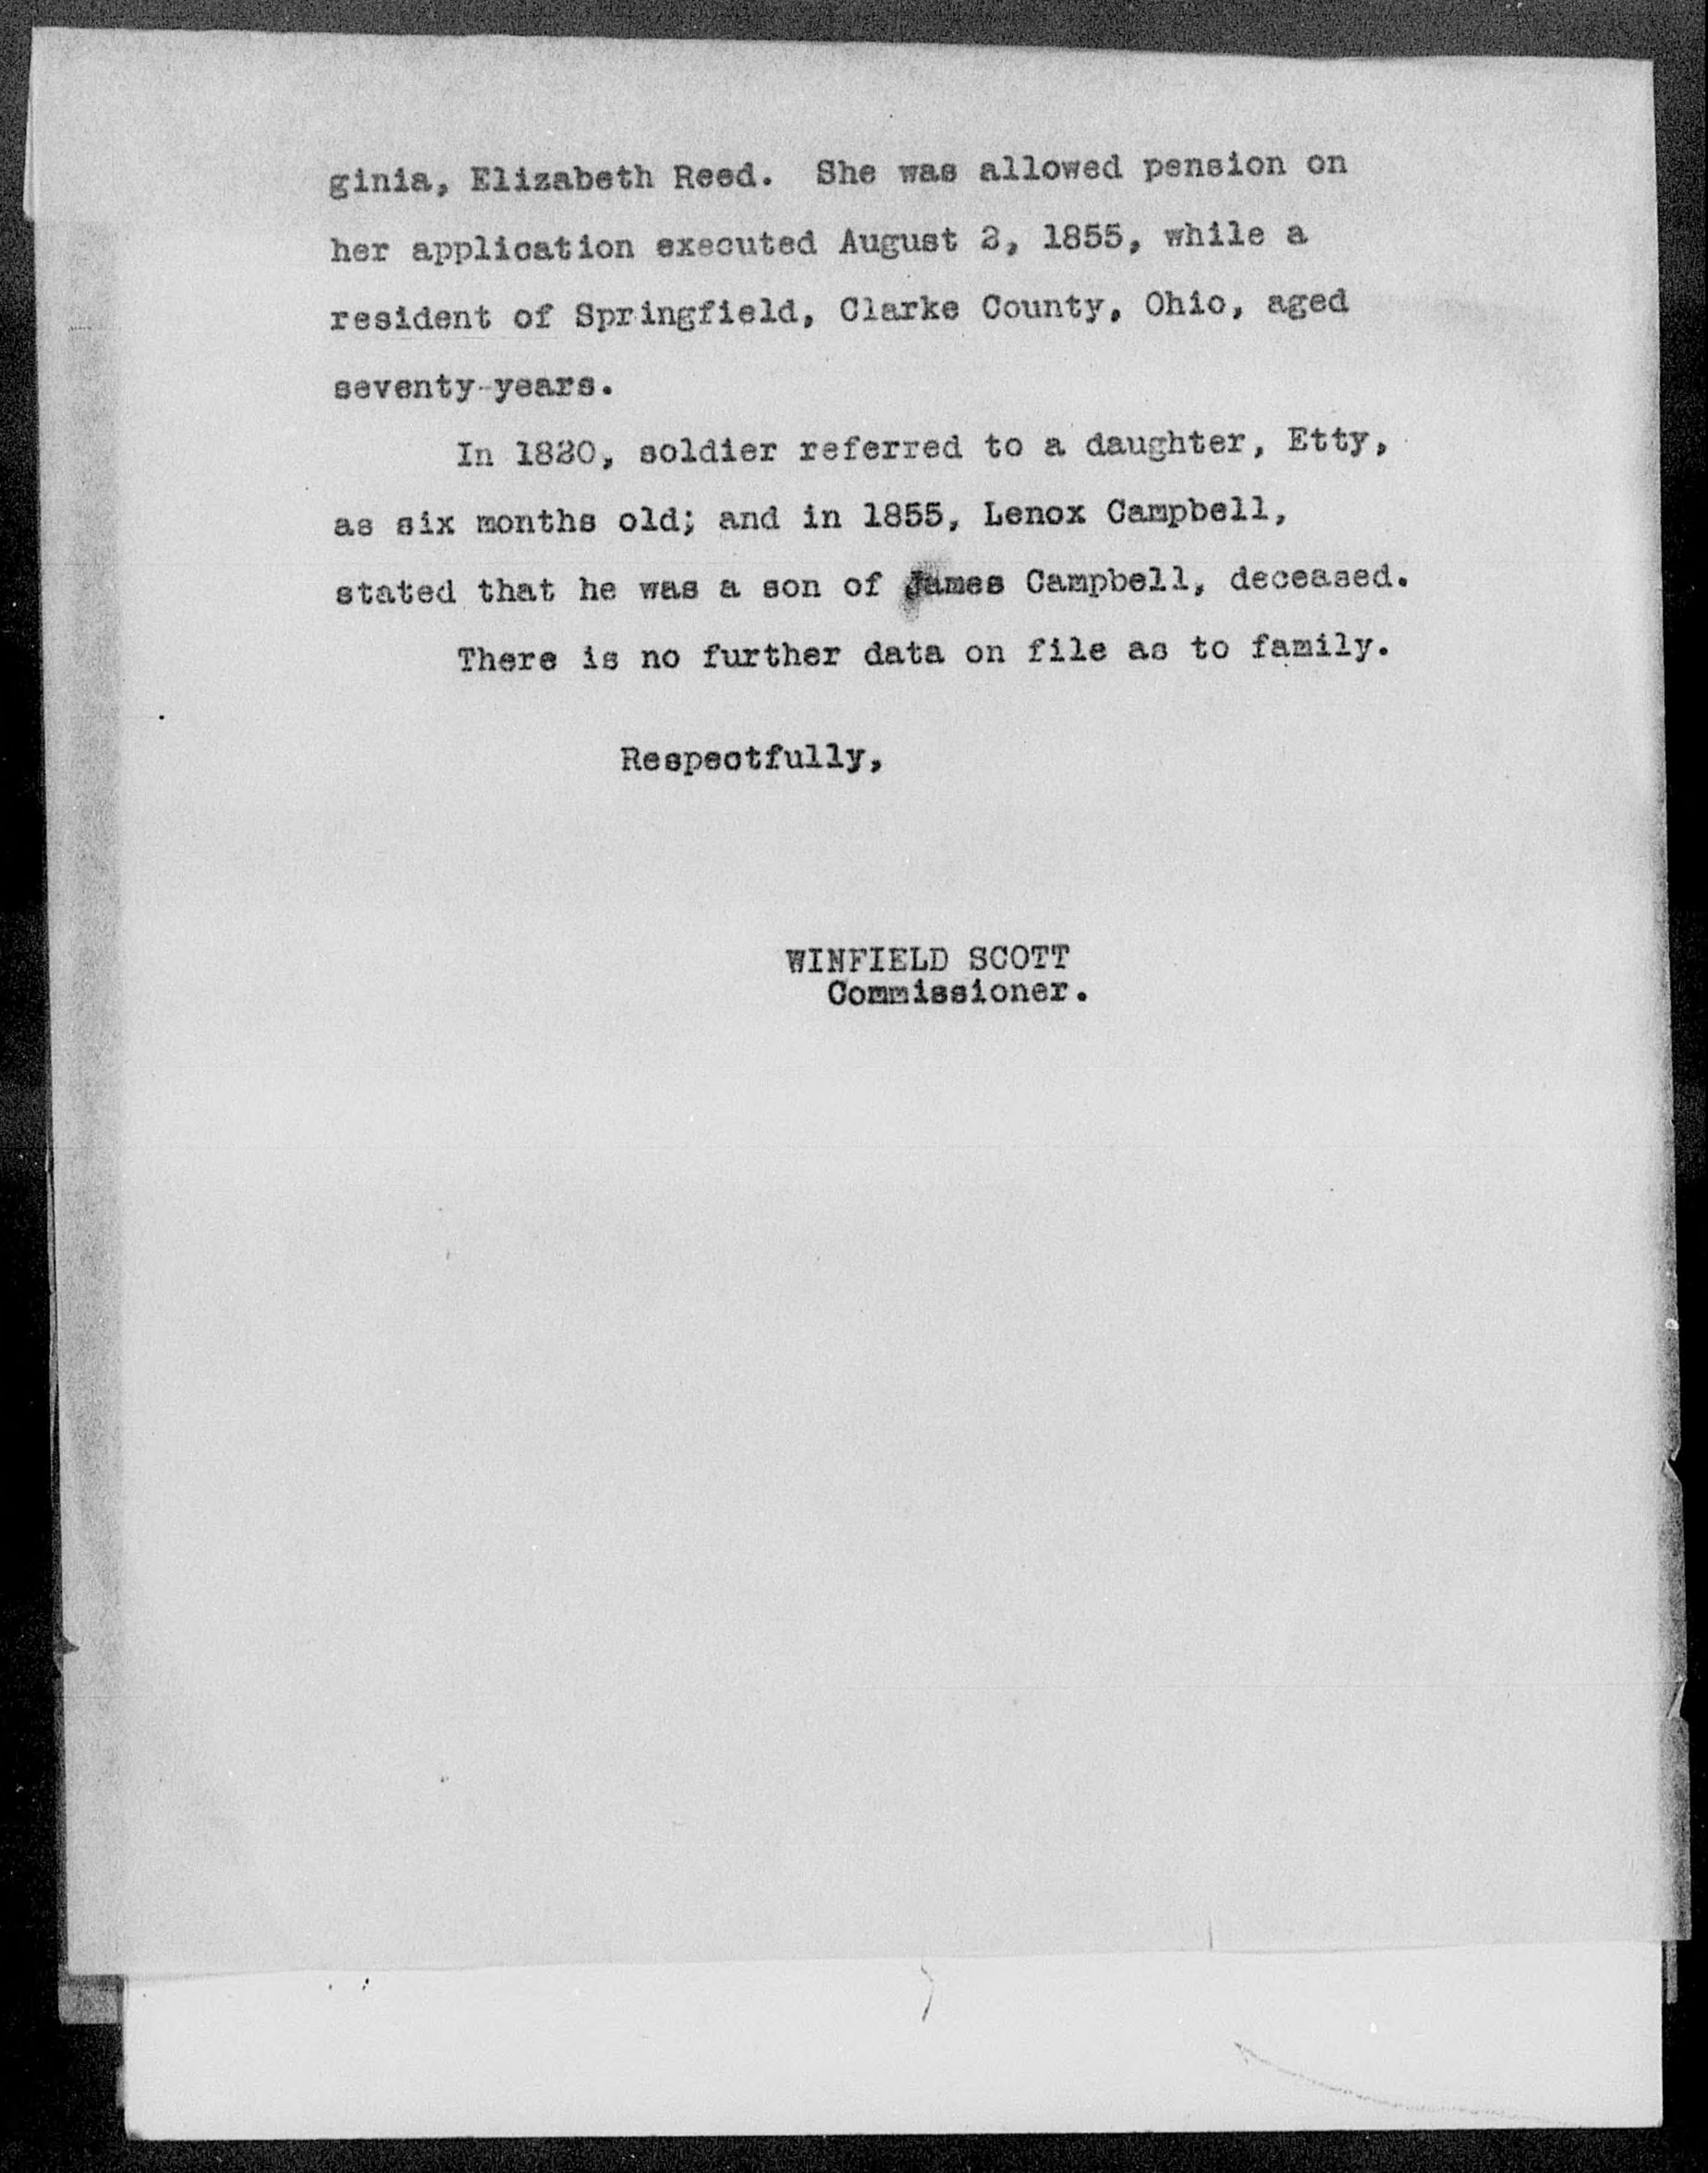ginia, Elizabeth Reed. She was allowed pension on her application executed August 2, 1855, while a resident of Springfield, Clarke county, Ohio, aged seventy years.
In 1820, soldier referred to a daughter, Etty, as six months old; and in 1855, Lenox Campbell, stated that he was a son of James Campbell, deceased.
There is no further data on file as to family.
Respectfully,
WINFIELD SCOTT
Commissioner.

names: Lenox Campbell, Winfield Scott, Elizabeth Reed, Etty, James Campbell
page: 21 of 47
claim: widow's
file: W. 25384, James Campbell, Va.